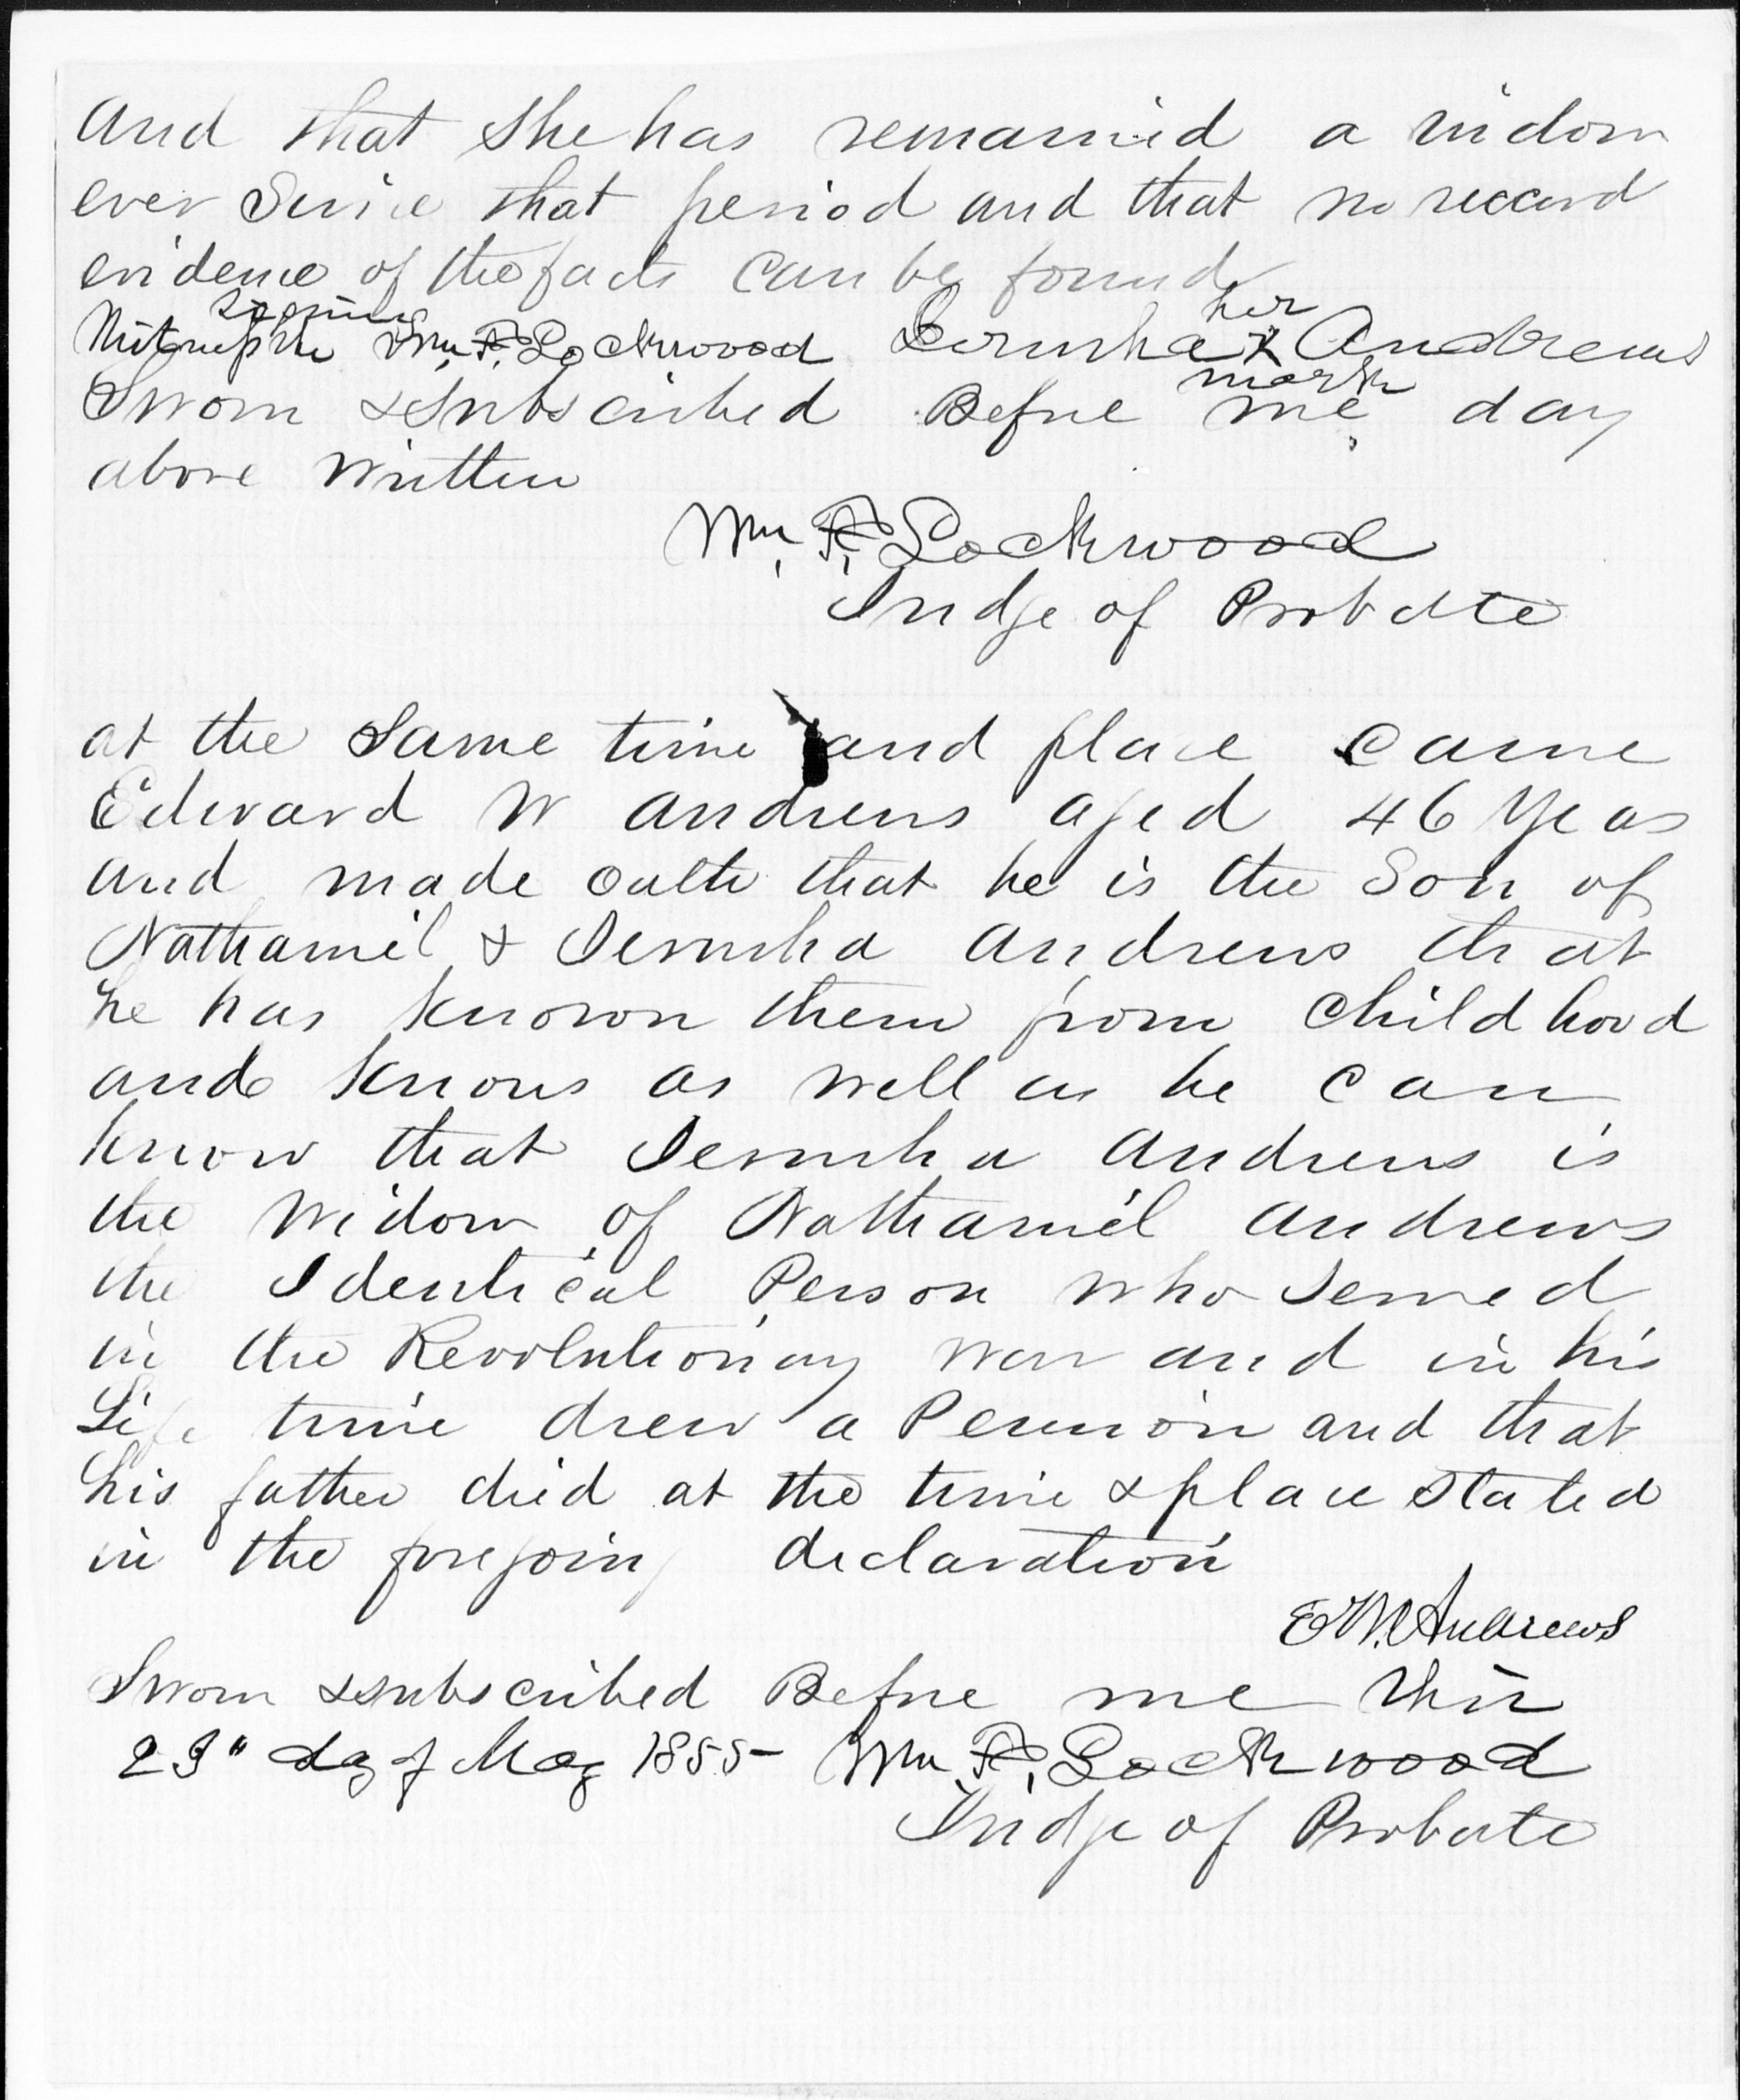and that she has remained a widow
ever since that period and that no record
evidence of the facts can be found
Witness [illegible] F. Lockwood Jerusha Andrews her X mark
Sworn & Subscribed Before me day
above written
Wm F. Lockwood
Judge of Probate
at the same time and place came
Edward W Andrews aged 46 yeas
and made oath that he is the Son of
Nathanial & Jerusha Andrews that
he has known them from childhood
and knows as well as he can
know that Jerusha Andrews is 
the Widow of Nathaniall Andrews
Identical person who served
in the Revolutionary war and in his
time drew a pension and that
his father died at the time & place stated
in the foregoing declaration
E.W. Andrews
Sworn & subscribed Before me this
23 day of May 1855 Wm F. Lockwood
Judge of Probate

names: Nathaniel Andrews, Wm F Lockwood, Jerusha Andreus, Jerusha Andrews, E W Andrews, Edward W Andreus, Jerusha Andreus, Wm F Lockwood, Nathaniel Andreus, Wm F Lockwood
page: 31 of 78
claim: widow's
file: W. 4117, Nathaniel Bradley, Conn.